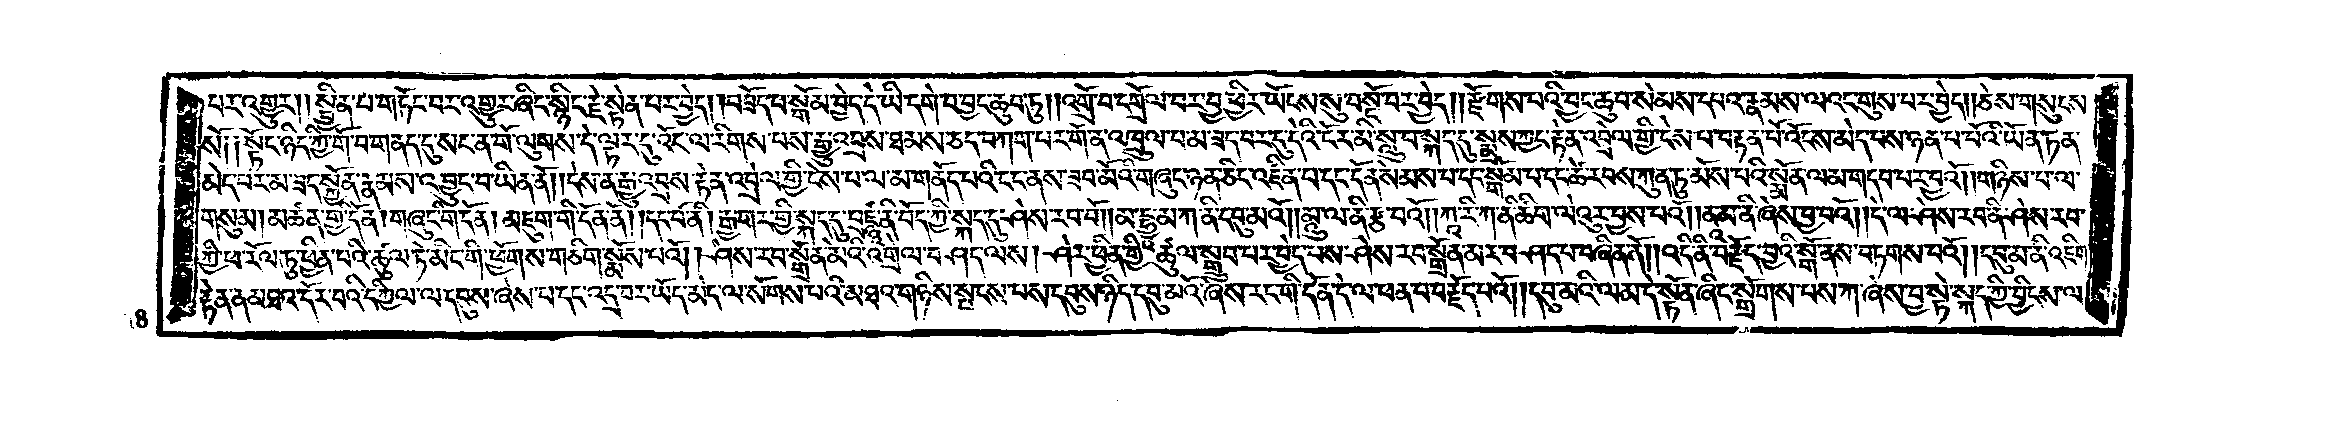པར་འགྱུར། །སྦྱིན་པ་གཏོང་བར་འགྱུར་ཞིང་སྙིང་རྗེ་སྟེན་པར་བྱེད། །བཟོད་པ་སྒོམ་བྱེད་དེ་ཡི་དགེ་བ་བྱང་ཆུབ་ཏུ། །འགྲོ་བ་དགྲོལ་བར་བྱ་ཕྱིར་ཡོངས་སུ་བསྔོ་བར་བྱེད། །རྫོགས་པའི་བྱང་ཆུབ་སེམས་དཔའ་རྣམས་ལའང་གུས་པར་བྱེད། །ཅེས་གསུངས་
སོ། །སྟོང་ཉིད་ཀྱི་གོ་བ་གནད་དུ་སང་ན་གོ་ལུགས་དེ་ལྟར་དུ་འོང་ལ་རིགས་པས་རྒྱུ་འབྲས་ཐམས་ཅད་བཀག་པར་གོ་ན་འཁྲུལ་པ་མ་ཟད་བར་དུ་དེའི་ངོར་མི་སླུ་བ་སྐད་དུ་སྨྲས་ཀྱང་སྨྲས་ཀྱང་རྟེན་འབྲེལ་གྱི་ངེས་པ་བརྟན་པོ་འོངས་མེད་པས་ཉན་པ་པོའི་ཡོན་ཏན་
མེད་པར་མ་ཟད་སྐྱོན་རྣམས་འབྱུང་བ་ཡིན་ནོ། །དེས་ན་རྒྱུ་འབྲས་རྟེན་འབྲེལ་གྱི་ངེས་པ་ལ་མ་གནོད་པའི་ངང་ནས་ཟབ་མོའི་གཞུང་ཉན་ཅིང་འཛིན་པ་དང་དོན་སེམས་པ་དང་སྒོམ་པ་དང་ཚེ་རབས་ཀུན་ཏུ་མོས་པའི་སོན་ལམ་གདབ་པར་བྱའོ། །གཉིས་པ་ལ་
གསུམ། མཚན་གྱི་དོན། གཞུང་གི་དོན། མཇུག་གི་དོན་ནོ། །དང་པོ་ནི། རྒྱ་གར་གྱི་སྐད་དུ་པྲཛྙཱ་ནི་བོད་ཀྱི་སྐད་དུ་ཤེས་རབ་བོ། །མ་དྷྱ་མ་ཀ་ནི་དབུ་མའོ། །མཱུ་ལ་ནི་རྩ་བའོ། །ཀཱ་རི་ཀ་ནི་ཚིག་ལེའུར་བ་ཡས་པའོ། །ནཱ་མ་ནི་ཞེས་བྱ་བའོ། །དེ་ལ་ཤེས་རབ་ནི་ཤེས་རབ་
ཀྱི་ཕ་རོལ་ཏུ་ཕྱིན་པའི་ཚུལ་ཏེ་མིང་གི་ཕྱོགས་གཅིག་སྨོས་པའོ། །ཤེས་རབ་སྒྲོན་མེའི་འགྲེལ་བཤད་ལས། ཤེར་ཕྱིན་གྱིས་ཚུལ་སྒྲུབ་པར་བྱེད་པས་ཤེས་རབ་སྒྲོན་མར་བཤད་པ་བཞིན་ནོ། །འདི་ནི་བརྗོད་བྱའི་སྒོ་ནས་བཏགས་པའོ། །དབུ་མ་ནི་འཇིག་
རྟེན་ན་མཐའ་དོར་བའི་དཀྱིལ་ལ་དབུས་ཞེས་པ་དང་འདྲ་བར་ཡོད་མེད་ལ་སོགས་པའི་མཐའ་གཉིས་སྤངས་པས་དབུས་ཉིད་དབུ་མའོ་ཞེས་རང་གི་དོན་དེ་ལ་ཕན་པ་བརྗོད་པའོ། །དབུ་མའི་ལམ་དེ་སྟོན་ཞིང་སྒྲོགས་པས་ཀ་ཞེས་བྱ་སྟེ་སྐད་ཀྱི་བྱིངས་ལ་